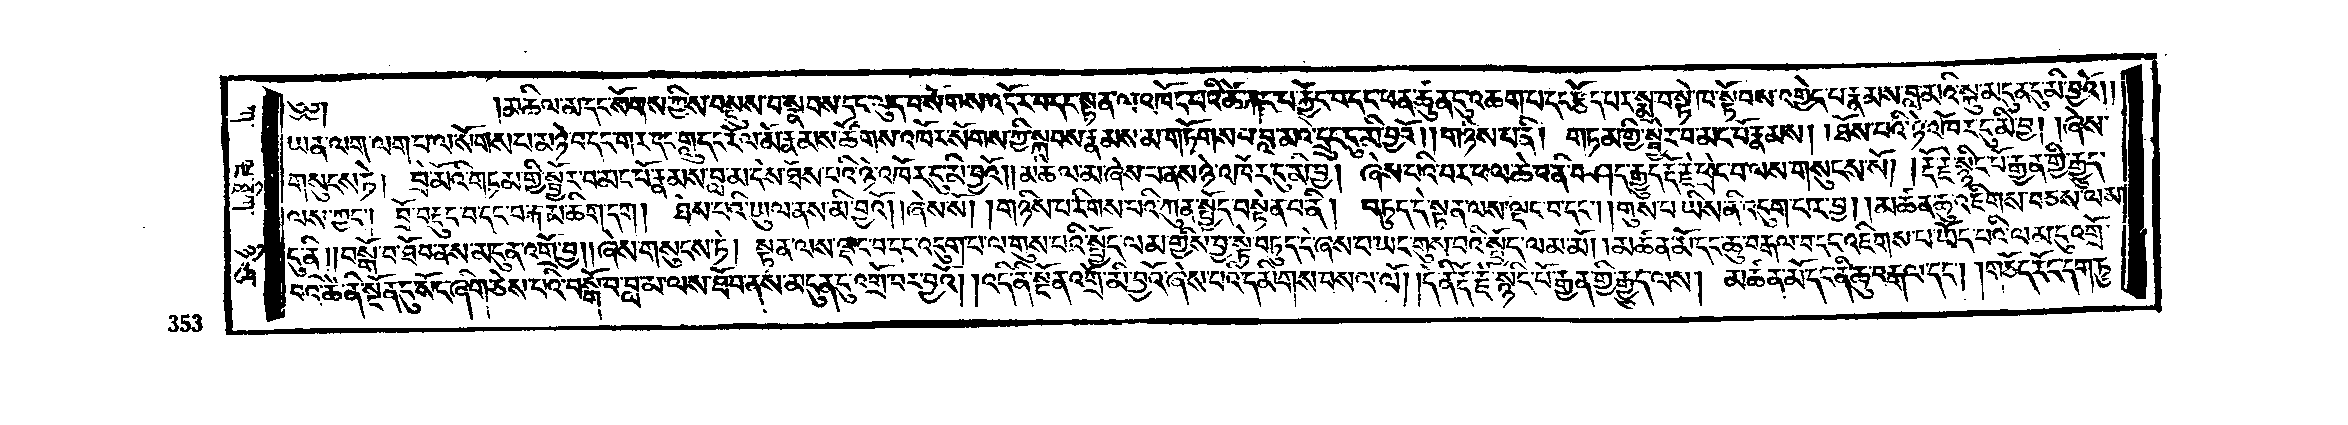༄༅། །མཆིལ་མ་དང་སོགས་ཀྱིས་བསྡུས་པ་སྣབས་དང་ལུད་པ་སོགས་འདོར་བ་དང་སྟན་ལ་འཁོད་པའི་ཚེ་རྐང་པ་རྐྱོང་བ་དང་ཕན་ཚུན་དུ་འཆག་པ་དང་རྩོད་པར་སྨྲ་བ་སྟེ་ཁ་སྟོབས་འགྱེད་པ་རྣམས་བླ་མའི་སྐུ་མདུན་དུ་མི་བྱའོ།།
ཡན་ལག་ལག་པ་ལ་སོགས་པ་མཉེ་བ་དང་གར་དང་གླུ་དང་རོལ་མོ་རྣམས་ཚོགས་འཁོར་སོགས་ཀྱི་སྐབས་རྣམས་མ་གཏོགས་པ་བླ་མའི་དྲུང་དུ་མི་བྱའོ། །གཉིས་པ་ནི། གཏམ་གྱི་སྤྱིར་བ་མང་པོ་རྣམས། །ཐོས་པའི་ཉེ་འཁོར་དུ་མི་བྱ། །ཞེས་
གསུངས་ཏེ། བྲེ་མོའི་གཏམ་གྱི་སྦྱོར་བ་མང་པོ་རྣམས་བླ་མ་དེས་ཐོས་པའི་ཉེ་འཁོར་དུ་མི་བྱའོ། །མཆིལ་མ་ཞེས་པ་ནས་ཉེ་འཁོར་དུ་མི་བྱ། ཞེས་པའི་བར་ཕལ་ཆེ་བ་ནི་བཤད་རྒྱུད་རྡོ་རྗེ་ཕྲེང་བ་ལས་གསུངས་སོ། །རྡོ་རྗེ་སྙིང་པོ་རྒྱན་གྱི་རྒྱུད་
ལས་ཀྱང་། བྲོ་བརྡུང་བ་དང་བ་རྐམ་?་ཆིག་དག །ཐེས་པའི་ཡུལ་ནས་མི་བྱའོ། །ཞེས་སོ། །གཉིས་པ་རིགས་པའི་ཀུན་སྤྱོད་བསྟེན་པ་ནི། བཏུད་དེ་སྟན་ལས་ལྡང་བ་དང་། །གུས་པ་ཡིས་ནི་འདུག་པར་བྱ། །མཚན་ཆུ་འཇིགས་བཅས་ལམ་
དུ་ནི། །བསྒོ་བ་ཐོབ་ནས་མདུན་འགྲོ་བྱ། །ཞེས་གསུངས་ཏེ། སྟན་ལས་ལྡང་བ་དང་འདུག་པ་ལ་གུས་པའི་སྤྱོད་ལམ་གྱིས་བྱ་སྟེ་བཏུད་དེ་ཞེས་པ་ཡང་གུས་པའི་སྤྱོད་ལམ་མོ། །མཚན་མོ་དང་ཆུ་བརྒལ་བ་དང་འཇིགས་པ་ཡོད་པའི་ལམ་དུ་འགྲོ་
བའི་ཚེ་ནི་སྔོན་དུ་སོང་ཞིག་ཅེས་པའི་བསྒོ་བ་བླ་མ་ལས་ཐོབ་ནས་མདུན་དུ་འགྲོ་བར་བྱའོ། །འདི་ནི་སྔོན་འགྲོ་མི་བྱའོ་ཞེས་པའི་དམིགས་བསལ་ལོ། །དེ་ནི་རྡོ་རྗེ་སྙིང་པོ་རྒྱན་གྱི་རྒྱུད་ལས། མཚན་མོ་དང་ནི་ཆུ་བརྒལ་དང་། །གཅོད་རོང་དག་ཏུ་